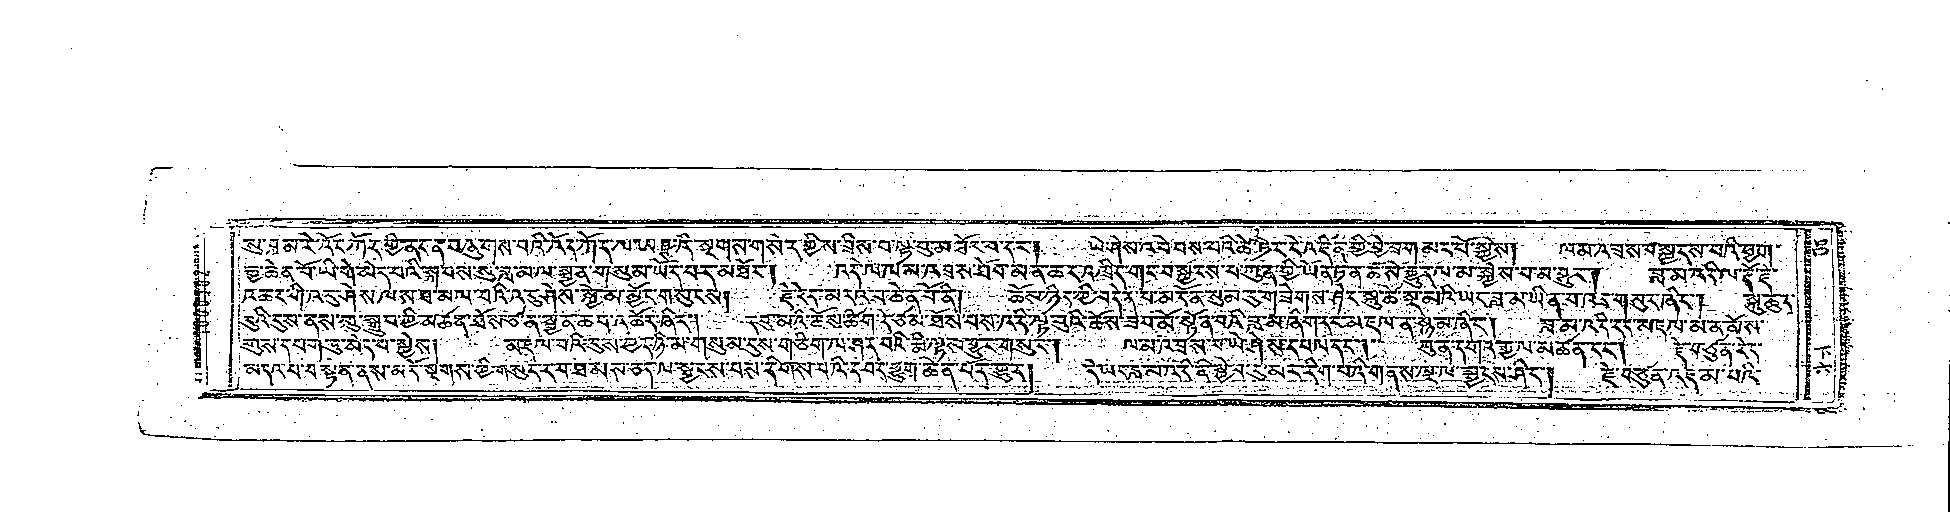སུ་བླ་མ་རེ་འོང་ཀོར་གྱི་ནང་ན་བཞུགས་པའི་འོང་ཀོད་ལ་ཨཥྚའི་སྔགས་གསེར་གྱིས་བྲིས་བ་ལྟ་བུ་མཐོང་བ་དང་། ཡེ་ཤེས་འབེབས་པའི་ཚེ་ཏིང་ངེ་འཛིན་གྱི་བྱེ་བྲག་མང་པོ་སྐྱེས། ལམ་འབྲས་བསྐྱངས་པའི་ཕྱག་
རྒྱ་ཆེན་པོ་ཡི་གེ་མེད་པའི་སྐབས་སུ་བླ་མ་ལ་སྤྱན་གསུམ་ཡོད་པར་མཐོང་། འདི་ལ་ལམ་འབྲས་ཐོབ་མན་ཆད་འཁྲིད་གང་བསྐྱངས་བ་ཀུན་གྱི་ཡོན་ཏན་ཚ་སེ་རྒྱུད་ལ་མ་སྐྱེས་པ་མ་བྱུང་། བླ་མ་འདི་ལ་རྡོ་རྗེ་
འཆང་གི་འདུ་ཤེས་ལས་ཐ་མལ་བའི་འདུ་ཤེས་སྐྱེ་མ་མྱོང་གསུངས། རྗེ་རེད་མདའ་པ་ཆེན་པོ་ནི། ཆོས་ཉིད་ཀྱི་བདེན་པ་མངོན་སུམ་དུ་གཟིགས་ཤིང་སྐུ་ཚེ་སྔ་མའི་ཡང་བླ་མ་ཡིན་པ་འདྲ་གསུང་ཞིང་། སྐུ་ཆུང་
དུའི་དུས་ནས་ཀླུ་སྒྲུབ་ཀྱི་མཚན་ཐོས་ཙ་ན་སྤྱན་ཆབ་འཆོར་ཞིང་། དབུ་མའི་ཆོས་ཚིག་རེ་ཙམ་ཐོས་པས་འདི་ལྟ་བུའི་ཆོས་ཟབ་མོ་སྟོན་བའི་བླ་མ་ཞིག་དང་མཇལ་ན་སྙམ་ཞིང་། བླ་མ་འདི་དང་མཇལ་མན་མོས་
གུས་དཔག་ཏུ་མེད་པ་སྐྱེས། མཇལ་བའི་དུས་ཀྱང་ཉི་མ་གསུམ་དུས་གཅིག་ལ་ཤར་བའི་རྨི་ལྟས་བྱུང་གསུང་། ལམ་འབྲས་པ་ཡེ་ཤེས་དཔལ་དང་། ཀུན་དགའ་རྒྱལ་མཚན་དང་། རྗེ་བཙུན་རེད་
མདའ་བ་བསྟན་ནས་མདོ་སྔགས་ཀྱི་གསུང་རབ་ཐམས་ཅད་ལ་སྦྱངས་པས་རིགས་པའི་དབང་ཕྱུག་ཆེན་པོར་གྱུར། དེ་ཡང་བླ་མ་འདི་ནི་སྐྱེ་བ་དུ་མར་རིག་པའི་གནས་ལྔ་ལ་སྦྱངས་ཤིང་། རྗེ་བཙུན་འཇམ་པའི་